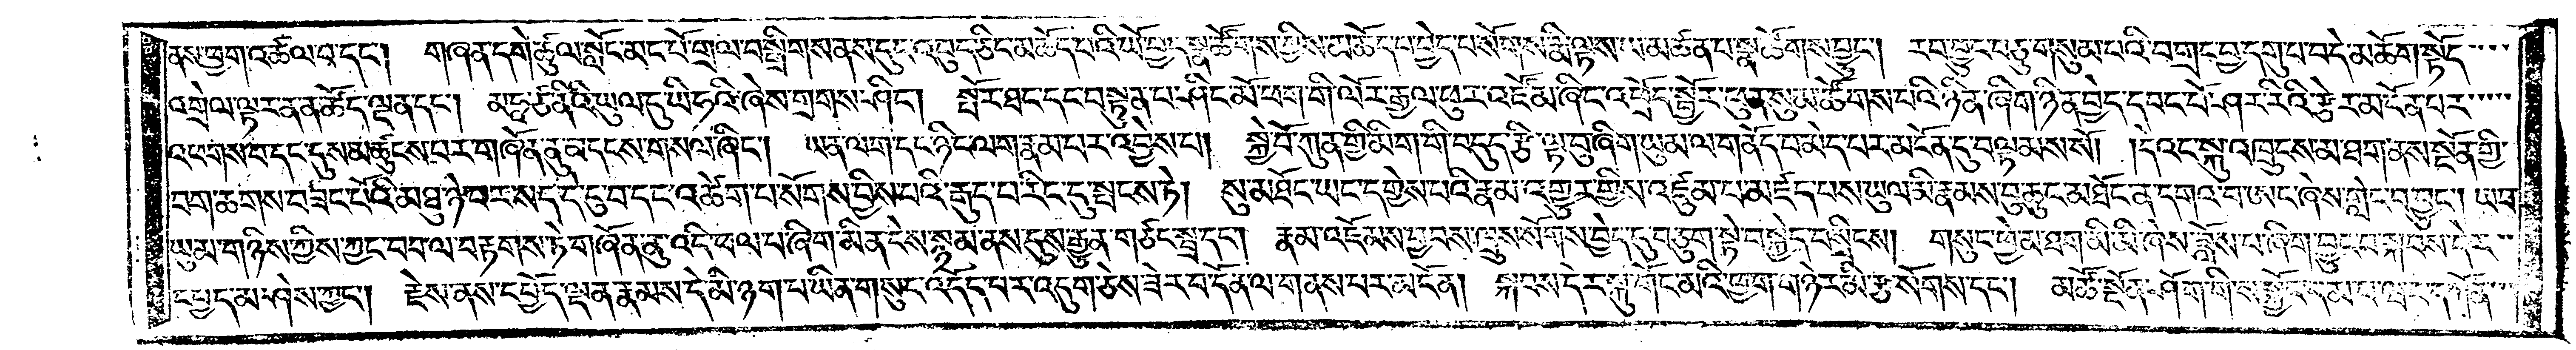ནས་ཕྱག་འཚལ་བ་དང་། གཞན་དགེ་ཚུལ་སློང་མང་པོ་གྲལ་བསྒྲིགས་ནས་དུང་འབུད་ཅིང་མཆོད་པའི་ཡོ་བྱད་སྣ་ཚོགས་ཀྱིས་མཆོད་པ་བྱེད་པ་སོགས་རྨི་ལྟས་ཡ་མཚན་པ་སྣ་ཚོགས་བྱུང་། རབ་བྱུང་བཅུ་གསུམ་པའི་བགྲང་བྱ་དགུ་པ་བདེ་མཆོག་སྟོད་
འགྲེལ་ལྟར་ན་ན་ཚོད་ལྡན་དང་། མཧཱ་ཙ་ནིའི་ཡུལ་དུ་ཡི་ཧའི་ཞེས་གྲགས་ཤིང་། སྤོར་ཐང་དང་བསྟུན་པ་ཤིང་མོ་ཕག་གི་ལོར་རྒྱལ་ཕུར་འཛོམ་ཞིང་འཕྲོད་སྦྱོར་ཕུན་སུམ་ཚོགས་བའི་ཉིན་ཞིག་ཉིན་བྱེད་དབང་པོ་ཤར་རིའི་རྩེར་མངོན་པར་
འཕགས་པ་དང་དུས་མཚུངས་པར་གཞོན་ནུ་མདངས་གསལ་ཞིང་། ཡན་ལག་དང་ཉིང་ལག་རྣམ་པར་འབྱེས་པ། སྐྱེ་བོ་ཀུན་གྱི་མིག་གི་བདུད་རྩི་ལྟ་བུ་ཞིག་ཡུམ་ལ་གནོད་པ་མེད་པར་མངོན་དུ་བལྟམས་སོ། །དེའང་སྐུ་འཁྲུངས་མ་ཐག་ནས་སྔོན་གྱི་
བག་ཆགས་བཟང་པོའི་མཐུ་ཉེ་བར་སད་དེ་ངུ་བ་དང་འཚེག་པ་སོགས་བྱིས་པའི་རྒྱུད་པ་རིང་དུ་སྤངས་ཏེ། སུ་མཐོང་ཡང་དགྱེས་པའི་རྣམ་འགྱུར་གྱིས་འཛུམ་པ་མཛད་པས་ཡུལ་མི་རྣམས་བུ་ཆུང་མཐོང་ན་དགའ་བ་ཨང་ཞེས་གླེང་བ་བྱུང་། ཡབ་
ཡུམ་གཉིས་ཀྱིས་ཀྱང་བབ་ལ་བརྟགས་ཏེ་གཞོན་ནུ་འདི་ཕལ་པ་ཞིག་མིན་ངེས་སྙམ་ནས་དུས་རྒྱུན་གཙང་སྦྲ་དང་། རྣམ་འཇོམས་བྱབས་ཁྲུས་སོགས་བྱེད་དུ་བཅུག་སྟེ་བསྐྱེད་བསྲིངས། གསུང་ཕྱེ་མ་ཐག་མི་མི་ཞེས་ཟློས་པ་ཞིག་བྱུང་བ་སྐབས་དེར་
དཔྱད་མ་ཤེས་ཀྱང་། རྗེས་ནས་དཔྱོད་ལྡན་རྣམས་དེ་མི་ཉག་པ་ཡིན་གསུང་འདོད་པར་འདུག་ཅེས་ཟེར་བ་དོན་ལ་གནས་པར་མངོན། སྐབས་དེར་སྐུ་གོང་མའི་ཕྱག་གཉེར་མི་རྩ་སོགས་དང་། མཚོ་སྔོན་ཤོག་གི་ས་སྐྱོང་དམ་པ་ཝང་དཀོན་